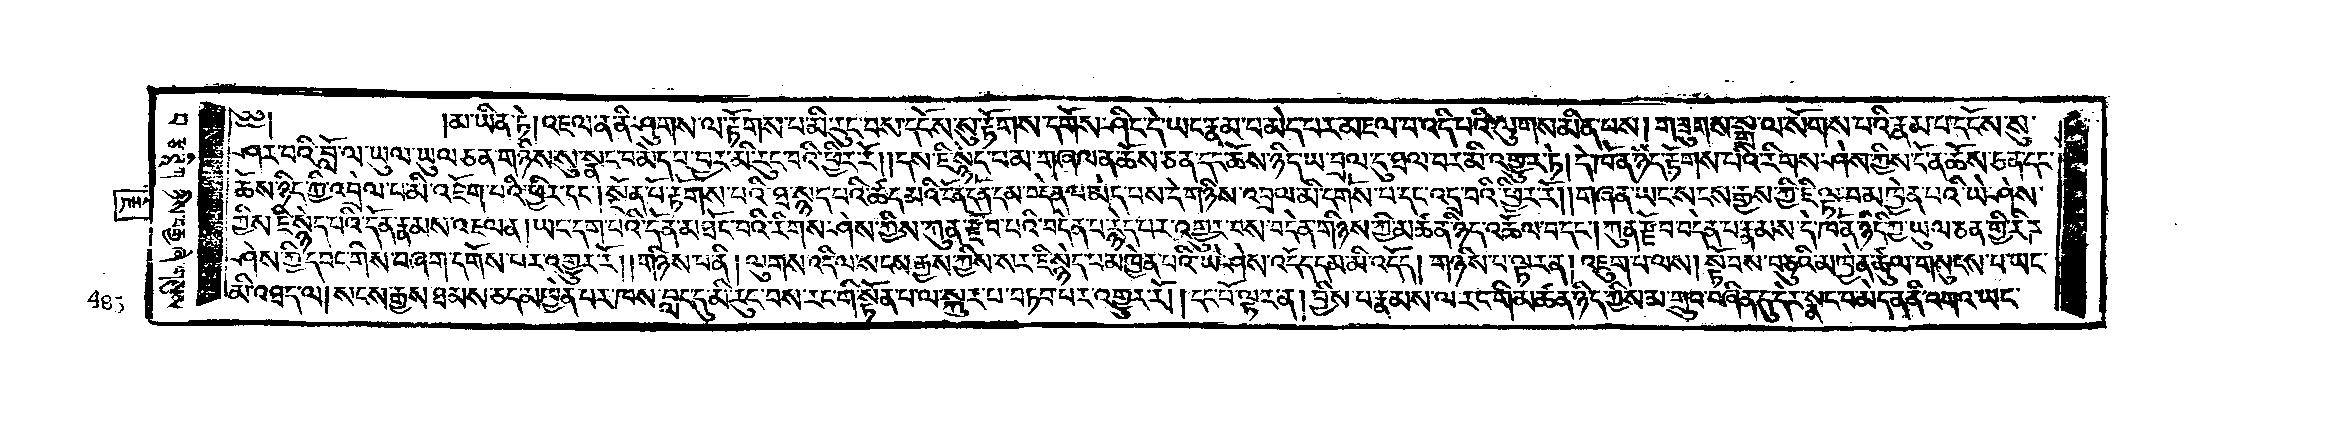༄༅། །མ་ཡིན་ཏེ། འཇལ་ན་ནི་ཤུགས་ལ་རྟོགས་པ་མི་རུང་བས་དངོས་སུ་རྟོགས་དགོས་ཤིང་དེ་ཡང་རྣམ་པ་མེད་པར་མཇལ་བ་འདི་པའི་ལུགས་མིན་པས། གཟུགས་སྒྲ་ལ་སོགས་པའི་རྣམ་པ་དངོས་སུ་
ཤར་བའི་བློ་ལ་ཡུལ་ཡུལ་ཅན་གཉིས་སུ་སྣང་བ་མེད་པ་བྱར་མི་རུང་བའི་ཕྱིར་རོ། །དས་ཇི་སྙེད་པ་མ་གཞལ་ན་ཆོས་ཅན་དང་ཆོས་ཉིད་ཡ་བྲལ་དུ་ཐལ་བར་མི་འགྱུར་ཏེ། དེ་ཁོ་ན་ཉིད་རྟོགས་པའི་རིགས་ཤེས་ཀྱིས་དོན་ཆོས་ཅན་དང་
ཆོས་ཉིད་ཀྱི་འབྲེལ་པ་མི་འཇོག་པའི་ཕྱིར་དང་། སྔོན་པོ་རྟོགས་པའི་ཐ་སྙད་པའི་ཚད་མའི་དོན་དོན་དམ་བདེན་པ་མེད་པས་དེ་གཉིས་འབྲལ་མི་དགོས་པ་དང་འདྲ་བའི་ཕྱིར་རོ། །གཞན་ཡང་སངས་རྒྱས་ཀྱི་ཇི་ལྟ་བ་མཁྱེན་པའི་ཡེ་ཤེས་
ཀྱིས་ཇི་སྙེད་པའི་དོན་རྣམས་འཇལ་ན། ཡང་དག་པའི་དོན་མཐོང་བའི་རིགས་ཤེས་ཀྱིས་ཀུན་རྫོབ་པའི་བདེན་པ་རྙེད་པར་འགྱུར་བས་བདེན་གཉིས་ཀྱི་མཚན་ཉིད་འཆོལ་བ་དང་། ཀུན་རྫོབ་བདེན་པ་རྣམས་དེ་ཁོ་ན་ཉིད་ཀྱི་ཡུལ་ཅན་གྱི་རིཌ་
ཤེས་ཀྱི་དབང་གིས་བཞག་དགོས་པར་འགྱུར་རོ། །གཉིས་པ་ནི། ལུགས་འདི་ལ་སངས་རྒྱས་ཀྱིས་སར་ཇི་སྙེད་པ་མཁྱེན་པའི་ཡེ་ཤེས་འདོད་དམ་མི་འདོད། གཉིས་པ་ལྟར་ན། འཇུག་པ་ལས། སྟོབས་བཅུའི་མཁྱེན་ཚུལ་གསུངས་པ་ཡང་
མི་འཐད་ལ། སངས་རྒྱས་ཐམས་ཅད་མཁྱེན་པར་ཁས་བླང་དུ་མི་རུང་བས་རང་གི་སྟོན་པ་ལ་སྐུར་བ་བཏབ་པར་འགྱུར་རོ། །དང་པོ་ལྟར་ན། བྱིས་པ་རྣམས་ལ་རང་གི་མཚན་ཉིད་ཀྱིས་མ་གྲུབ་བཞིན་དུ་དེར་སྣང་བ་མེད་ན་ནི་འགའ་ཡང་